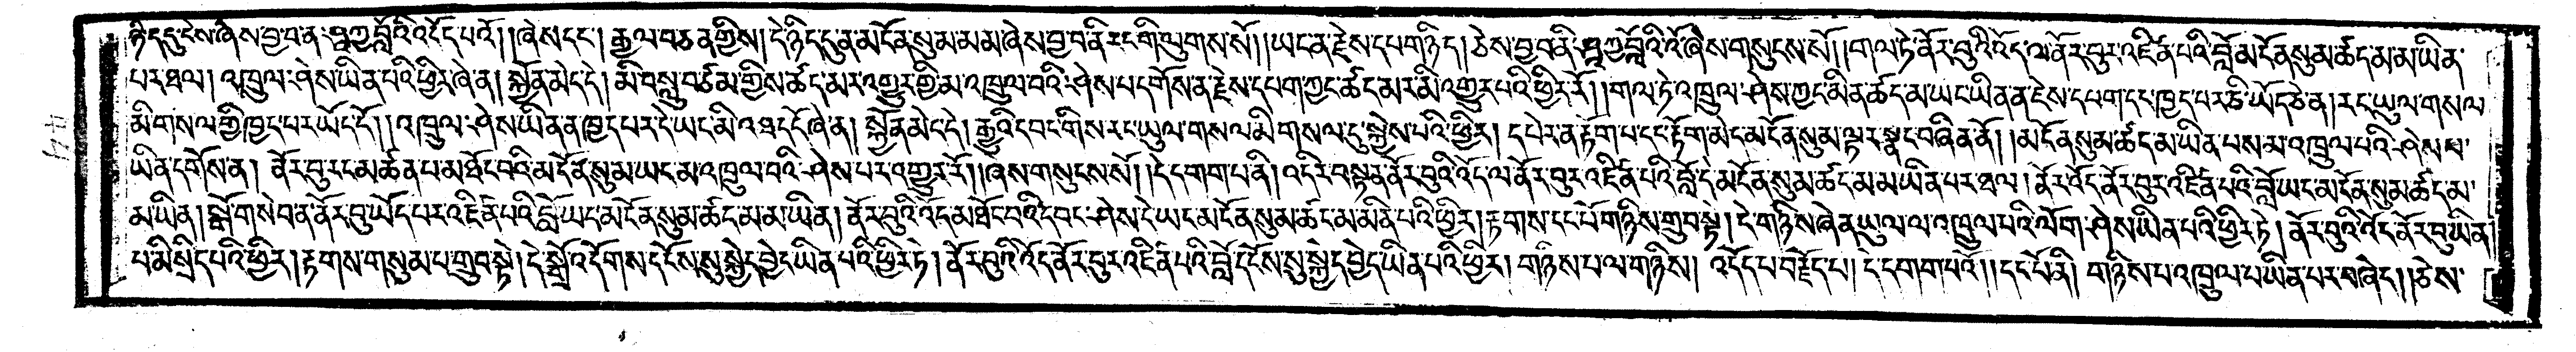ཉིད་དུ་ངེས་ཞེས་བྱ་བ་ནི་ཤཱཀྱ་བློའི་འདོད་པའོ། །ཞེས་དང་། རྒྱལ་བ་ཅན་གྱིས། དེ་ཉིད་དུ་ན་མངོན་སུམ་མམ་ཞེས་བྱ་བ་ནི་རང་གི་ལུགས་སོ། །ཡང་ན་རྗེས་དཔག་ཉིད། ཅེས་བྱ་བ་ནི་ཤཱཀྱ་བློའི་འོ་ཞེས་གསུངས་སོ། །གལ་ཏེ་ནོར་བུའི་འོད་ལ་ནོར་བུར་འཛིན་པའི་བློ་མངོན་སུམ་ཚད་མ་མ་ཡིན་
པར་ཐལ། འཁྲུལ་ཤེས་ཡིན་པའི་ཕྱིར་ཞེ་ན། སྐྱོན་མེད་དེ། མི་བསླུ་བ་ཙམ་གྱིས་ཚད་མར་འགྱུར་གྱི་མ་འཁྲུལ་བའི་ཤེས་པ་དགོས་ན་རྗེས་དཔག་ཀྱང་ཚད་མར་མི་འགྱུར་བའི་ཕྱིར་རོ། །གལ་ཏེ་འཁྲུལ་ཤེས་ཀྱང་ཡིན་ཚད་མ་ཡང་ཡིན་ན་རྗེས་དཔག་དང་ཁྱད་པར་ཅི་ཡོད་ཅེ་ན། རང་ཡུལ་གསལ་
མི་གསལ་གྱི་ཁྱད་པར་ཡོད་དོ། །འཁྲུལ་ཤེས་ཡིན་ན་ཁྱད་པར་དེ་ཡང་མི་འཐད་དོ་ཞེ་ན། སྐྱོན་མེད་དེ། རྒྱུའི་དབང་གིས་རང་ཡུལ་གསལ་མི་གསལ་དུ་སྐྱེས་པའི་ཕྱིར། དཔེར་ན་རྟོག་པ་དང་རྟོག་མེད་མངོན་སུམ་ལྟར་སྣང་བཞིན་ནོ། །མངོན་སུམ་ཚད་མ་ཡིན་པས་མ་འཁྲུལ་བའི་ཤེས་པ་
ཡིན་དགོས་ན། ནོར་བུ་རང་མཚན་པ་མཐོང་བའི་མངོན་སུམ་ཡང་མ་འཁྲུལ་བའི་ཤེས་པར་འགྱུར་རོ། །ཞེས་གསུངས་སོ། །དེ་དགག་པ་ནི། འདིར་བསྟན་ནོར་བུའི་འོད་ལ་ནོར་བུར་འཛིན་པའི་བློ་དེ་མངོན་སུམ་ཚད་མ་མ་ཡིན་པར་ཐལ། ནོར་འོད་ནོར་བུར་འཛིན་པའི་བློ་ཡང་མངོན་སུམ་ཚད་མ་
མ་ཡིན། སྒོ་གསེབ་ན་ནོར་བུ་ཡོད་པར་འཛིན་པའི་བློ་ཡང་མངོན་སུམ་ཚད་མ་མ་ཡིན། ནོར་བུའི་འོད་མཐོང་བའི་དབང་ཤེས་དེ་ཡང་མངོན་སུམ་ཚད་མ་མིན་པའི་ཕྱིར། རྟགས་དང་པོ་གཉིས་གྲུབ་སྟེ། དེ་གཉིས་ཞེན་ཡུལ་ལ་འཁྲུལ་པའི་ལོག་ཤེས་ཡིན་པའི་ཕྱིར་ཏེ། ནོར་བུའི་འོད་ནོར་བུ་ཡིན་
པ་མི་སྲིད་པའི་ཕྱིར། རྟགས་གསུམ་པ་གྲུབ་སྟེ། དེ་སྒྲོ་འདོགས་དངོས་སུ་སྐྱེད་བྱེད་ཡིན་པའི་ཕྱིར་ཏེ། ནོར་བུའི་འོད་ནོར་བུར་འཛིན་པའི་བློ་དངོས་སུ་སྐྱེད་བྱེད་ཡིན་པའི་ཕྱིར། གཉིས་པ་ལ་གཉིས། འདོད་པ་བརྗོད་པ། དེ་དགག་པའོ། །དང་པོ་ནི། གཉིས་པ་འཁྲུལ་པ་ཡིན་པར་བཞེད། །ཅེས་